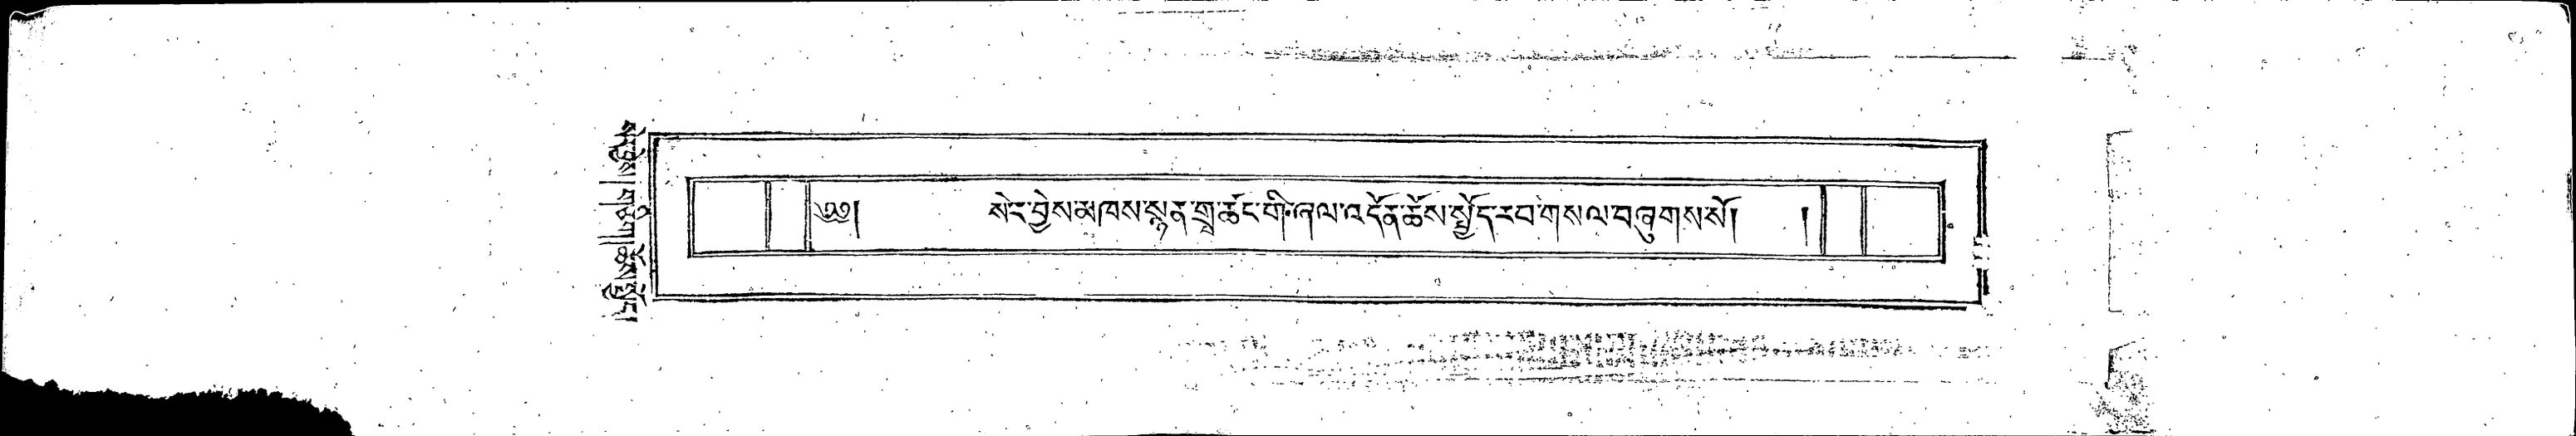༄༅། །སེར་བྱེས་མཁས་སྙན་གྲྭ་ཚང་གི་ཞལ་འདོན་ཆོས་སྤྱོད་རབ་གསལ་བཞུགས་སོ། །